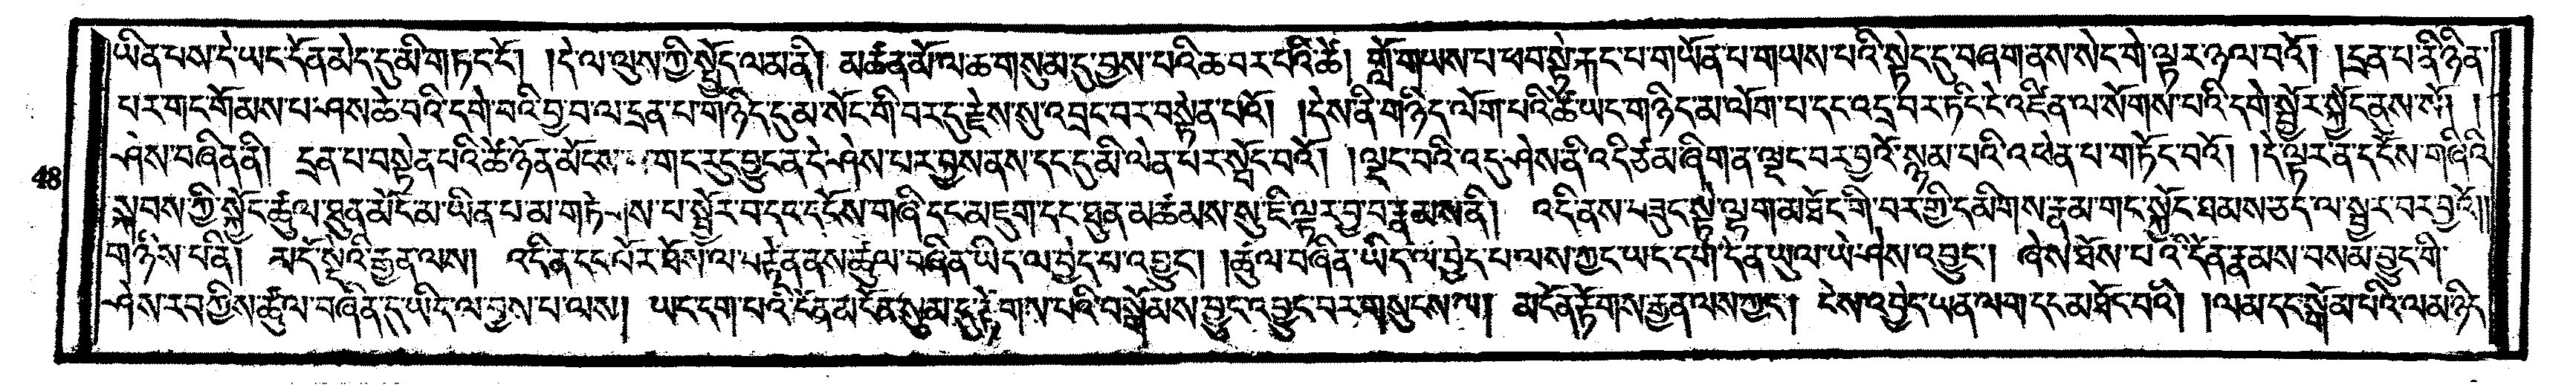ཡིན་པས་དེ་ཡང་དོན་མེད་དུ་མི་གཏང་ངོ། །དེ་ལ་ལུས་ཀྱི་སྤྱོད་ལམ་ནི། མཚན་མོ་ལ་ཆ་གསུམ་དུ་བྱས་པའི་ཆ་བར་པའི་ཚེ། གློ་གཡས་པ་ཕབ་སྟེ་རྐང་པ་གཡོན་པ་གཡས་པའི་སྟེང་དུ་བཞག་ནས་སེང་གེ་ལྟར་ཉལ་པའོ།།དྲན་པ་ནི་ཉིན་
པར་གང་གོམས་པ་ཤས་ཆེ་བའི་དགེ་བའི་བྱ་བ་ལ་དྲན་པ་གཉིད་དུ་མ་སོང་གི་བར་དུ་རྗེས་སུ་འབྲང་བར་བསྟེན་པའོ། །དེས་ནི་གཉིད་ལོག་པའི་ཚེ་ཡང་གཉིད་མ་ལོག་པ་དང་འདྲ་བར་ཏིང་དེ་འཛིན་ལ་སོགས་པའི་དགེ་སྦྱོར་སྐྱོང་ནུས་སོ། །
ཤེས་བཞིན་ནི། དྲན་པ་བསྟེན་པའི་ཚེ་ཉོན་མོངས་པ་གང་རུང་བྱུང་ན་དེ་ཤེས་པར་བྱས་ནས་དང་དུ་མི་ལེན་པར་སྤོང་བའོ། །ལྡང་བའི་འདུ་ཤེས་ནི་འདི་ཙམ་ཞིག་ན་ལྡང་བར་བྱའོ། སྙམ་པའི་འཕེན་པ་གཏོང་བའོ། །དེ་ལྟར་ན་དངོས་གཞིའི་
སྐབས་ཀྱི་སྐྱོང་ཚུལ་ཐུན་མོང་མ་ཡིན་པ་མ་གཏེགས་པ་སྦྱོར་བ་དང་དངོས་གཞི་དང་མཇུག་དང་ཐུན་མཚམས་སུ་ཇི་ལྟར་བྱ་བ་རྣམས་ནི། འདི་ནས་བཟུང་སྟེ་ལྷག་མཐོང་གི་བར་གྱི་དམིགས་རྣམ་གང་སྐྱོང་ཐམས་ཅད་ལ་སྦྱར་བར་བྱའོ།
གཉིས་པ་ནི། མདོ་སྡེའི་རྒྱན་ལས། འདི་ན་དང་པོར་ཐོས་ལ་བརྟེན་ནས་ཚུལ་བཞིན་ཡིད་ལ་བྱེད་པ་འབྱུང་། །ཚུལ་བཞིན་ཡིད་ལ་བྱེད་པ་ལས་ཀྱང་ཡང་དག་དེ་ན་ཡུལ་ཡེ་ཤེས་འབྱུང་། ཞེས་ཐོས་པའི་དོན་རྣམས་བསམ་བྱུང་གི་
ཤེས་རབ་ཀྱིས་ཚུལ་བཞིན་དུ་ཡིད་ལ་བྱས་པ་ལས། ཡང་དག་པའི་དོན་མངོན་སུམ་དུ་རྟོགས་པའི་བསྒོམས་བྱུང་འབྱུང་བར་གསུངས་ལ། མངོན་རྟོགས་རྒྱན་ལས་ཀྱང་། ངེས་འབྱེད་ཡན་ལག་དང་མཐོང་བའི། །ལམ་དང་སྒོམ་པའི་ལམ་ཉིད་